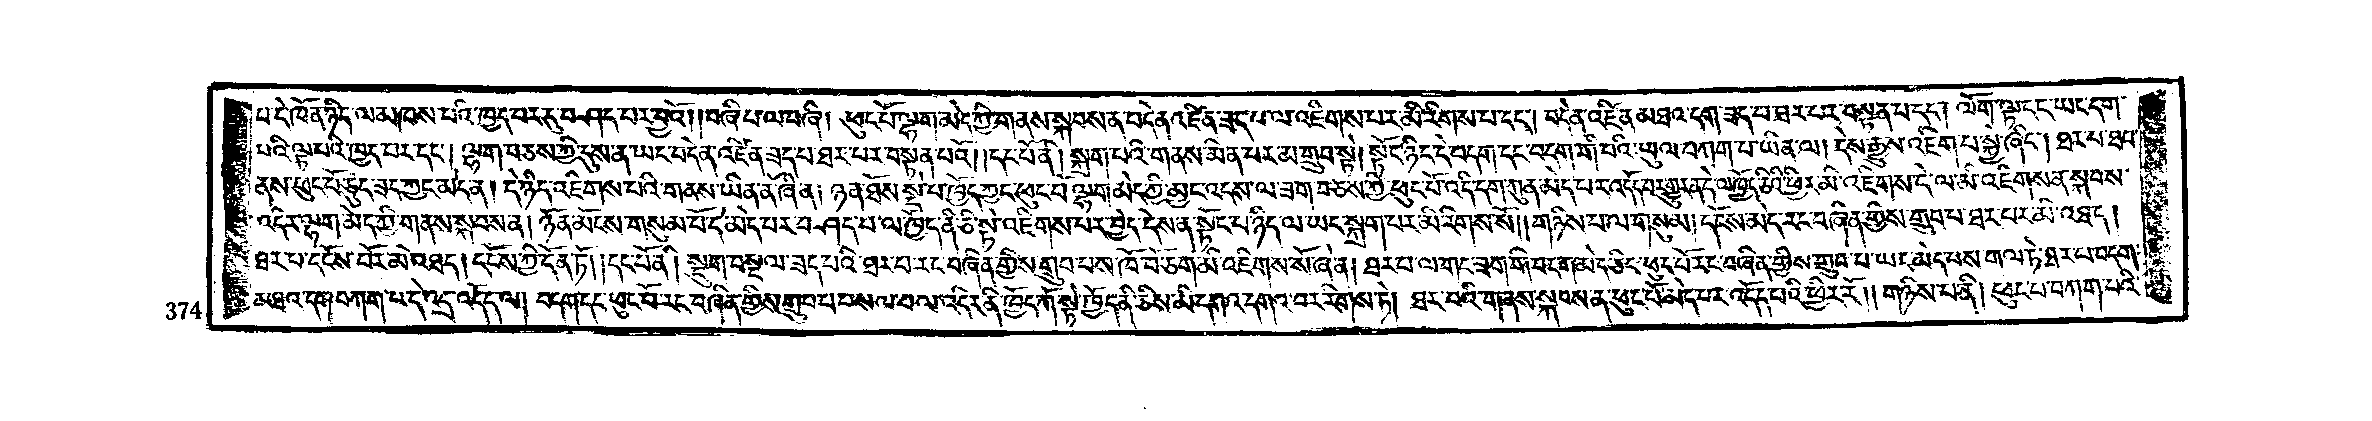པ་དེ་ཁོ་ན་ཉིད་ལ་མཁས་པའི་ཁྱད་པར་དུ་བཤད་པར་བྱའོ། །བཞི་པ་ལ་བཞི། ཕུང་པོ་ལྷག་མེད་ཀྱི་གནས་སྐབས་ན་བདེན་འཛིན་ཟད་པ་ལ་འཇིགས་པར་མི་རིགས་པ་དང་། བདེན་འཛིན་མཐའ་དག་ཟད་པ་ཐར་པར་བསྟན་པ་དང་། ལོག་ལྟ་དང་ཡང་དག་
པའི་ལྟ་བའི་ཁྱད་པར་དང་། ལྷག་བཅས་ཀྱི་དུས་ན་ཡང་བདེན་འཛིན་ཟད་པ་ཐར་པར་བསྟན་པའོ། །དང་པོ་ནི། སྐྲག་པའི་གནས་མིན་པར་མ་གྲུབ་སྟེ། སྟོང་ཉིད་དེ་བདག་དང་བདག་གི་བྱའི?་ཡུལ་བཀག་པ་ཡིན་ལ། དེས་རྒྱུས་འཇིག་པ་སྐྱེ་ཞིང་། ཐར་པ་ཐབ་
ནས་ཕུང་པོ་ཅུང་ཟད་ཀྱང་མེད་ན། དེ་ཉིད་འཇིགས་པའི་གནས་ཡིན་ནོ་ཞེ་ན། ཉན་ཐོས་སྡེ་པ་ཁྱོད་ཀྱང་ཕུང་པོ་ལྷག་མེད་ཀྱི་མྱང་འདས་ལ་ཟག་བཅས་ཀྱི་ཕུང་པོ་འདི་དག་ཀུན་མེད་པར་འདོད་པར་གྱུར་ན་དེ་ལ་ཁྱོད་ཅིའི་ཕྱིར་མི་འཇིགས་དེ་ལ་མི་འཇིགས་ན་སྐབས་
འདིར་ལྷག་མེད་ཀྱི་གནས་སྐབས་ན། ཉོན་མོངས་གསུམ་པོ་དེ་མེད་པར་བཤད་པ་ལ་ཁྱོད་ནི་ཅི་སྟེ་འཇིགས་པར་བྱེད་དེས་ན་སྟོང་པ་ཉིད་ལ་ཡང་སྐྲག་པར་མི་རིགས་སོ། །གཉིས་པ་ལ་གསུམ། དངོས་མེད་རང་བཞིན་གྱིས་གྲུབ་པ་ཐར་པར་མི་འཐད།
ཐར་པ་དངོས་པོར་མེ་འཐད། དངོས་ཀྱི་དོན་ཏོ། །དང་པོ་ནི། སྡུག་བསྔལ་ཟད་པའི་ཐར་པ་རང་བཞིན་གྱིས་གྲུབ་པས་ཁོ་བོ་ཅག་མི་འཇིགས་སོ་ཞེ་ན། ཐར་པ་ལ་གང་ཟག་གི་བདག་མེད་ཅིང་ཕུང་པོ་རང་བཞིན་གྱིས་གྲུབ་པ་ཡང་མེད་པས་གལ་ཏེ་ཐར་པ་བདག་
མཐའ་དག་བཀག་པ་དེ་འདྲ་འདོད་ལ། བདག་དང་ཕུང་པོ་རང་བཞིན་གྱིས་གྲུབ་པ་བསལ་བ་ལ་འདིར་ནི་ཁྱོད་ཀོ་སྟེ་ཁྱོད་ནི་ཅིས་མི་དགའ་དགའ་བར་རིགས་ཏེ། ཐར་པའི་གནས་སྐབས་ན་ཕུང་པོ་མེད་པར་འདོད་པའི་ཕྱིར་རོ། །གཉིས་པ་ནི། ཕུང་པོ་བཀག་པའི་